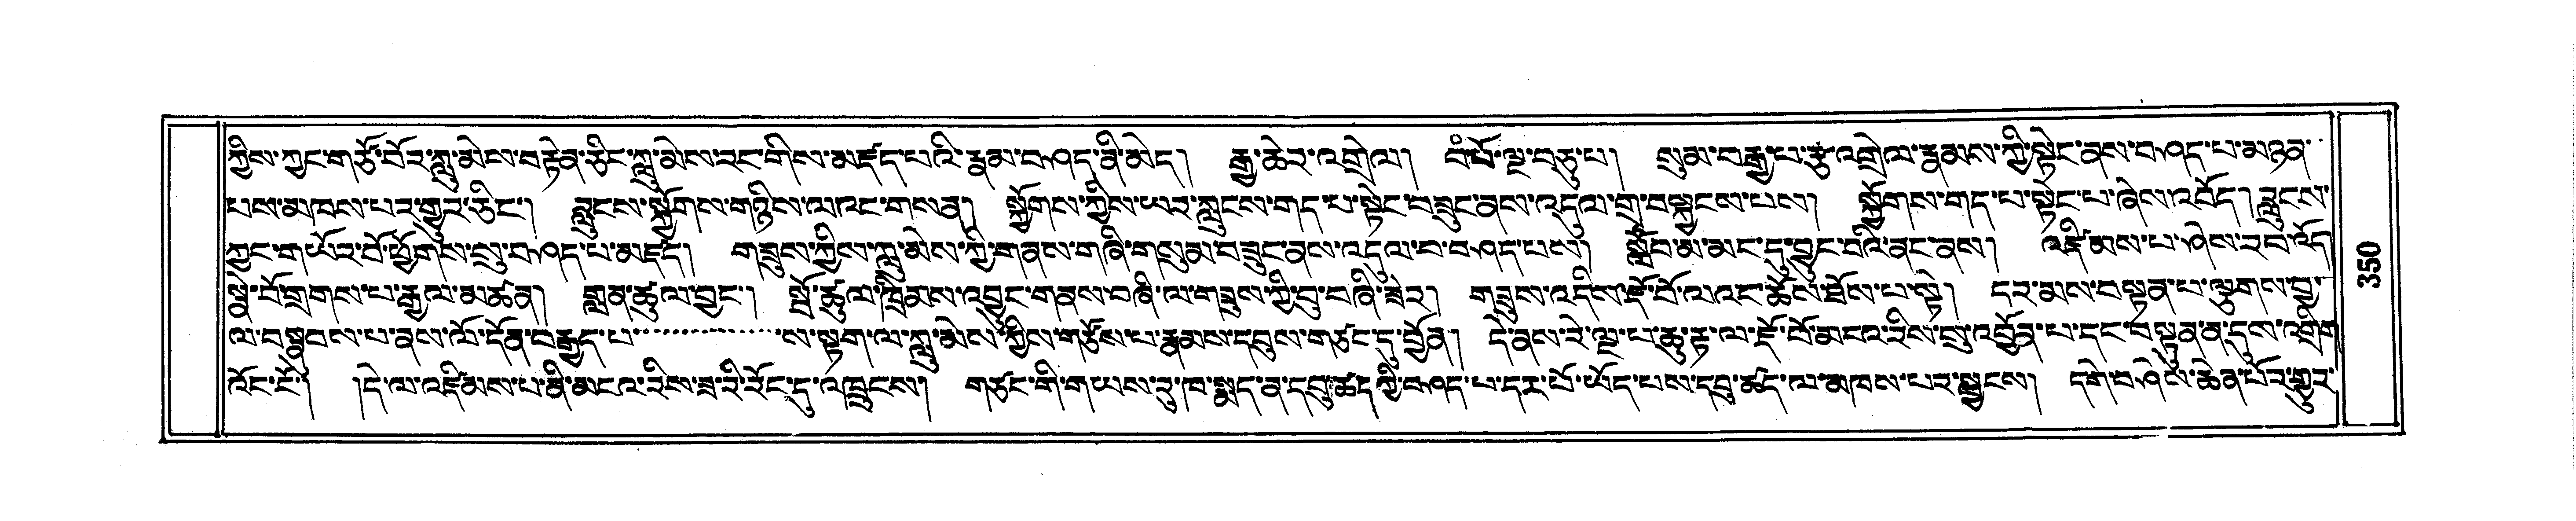ཀྱིས་ཀྱང་གཙོ་བོར་ཀླུ་མེས་བརྟེན་ཅིང་ཀླུ་མེས་རང་གིས་མཛད་པའི་རྣམ་བཤད་ནི་མེད། རྒྱ་ཆེར་འགྲེལ། བཾ་པོ་ལྔ་བཅུ་པ། སུམ་བརྒྱ་པ་རྩ་འགྲེལ་རྣམས་ཀྱི་སྟེང་ནས་བཤད་པ་མཉན་
པས་མཁས་པར་གྱུར་ཅིང་། རླུངས་སྐྱོགས་གཉིས་ལའང་གསན། སྐྱོགས་ཀྱིས་ཡར་ཀླུངས་གད་པ་སྟེང་བཟུང་ནས་འདུལ་གྲ་བསྐྱངས་པས། སྐྱོགས་གད་པ་སྟེང་པ་ཞེས་འབོད། རླུངས་
ཀྱང་གཡོར་བོ་ཕྱོགས་སུ་བཤད་པ་མཛད། གཟུས་ཀྱིས་ཀླུ་མེས་ཀྱི་གནས་གཞི་གསུམ་བཟུང་ནས་འདུལ་བ་བཤད་པས། སློབ་མ་མང་དུ་བྱུང་བའི་ནང་ནས། འཛིམས་པ་ཤེས་རབ་འོད།
སྣེ་བོ་གྲགས་པ་རྒྱལ་མཚན། གླན་ཚུལ་བྱང་། སྦོ་ཚུལ་ཁྲིམས་འབྱུང་གནས་བཞི་ལ་གཟུས་ཀྱི་བུ་བཞི་ཟེར། གཟུས་འདིས་ཇོ་བོ་ལའང་ཆོས་ཐོས་པ་སྟེ། དར་མས་བསྟན་པ་ལྕགས་བྱ་
ལ་བསྣབས་པ་ནས་ལོ་དོན་བརྒྱད་པ་ས་སྟག་ལ་ཀླུ་མེས་ཀྱིས་གཙོས་པ་རྣམས་དབུས་གཙང་དུ་བྱོན། དེ་ནས་རེ་ལྔ་པ་ཆུ་རྟ་ལ་ཇོ་བོ་མངའ་རིས་སུ་འབྱོན་པ་དང་བསྟུན་ན་དུས་འགྲིག་
འོང་ངོ། །དེ་ལ་འཛིམས་པ་ནི་མངའ་རིས་ཟ་རི་རོང་དུ་འཁྲུངས། གཙང་གི་གཡས་རུ་ཁ་སྨད་ན་དབུ་ཚད་ཀྱི་བཤད་པ་དར་པོ་ཡོད་པས་དབུ་ཚད་ལ་མཁས་པར་སྦྱངས། དགེ་བཤེས་ཆེན་པོར་གྱུར་